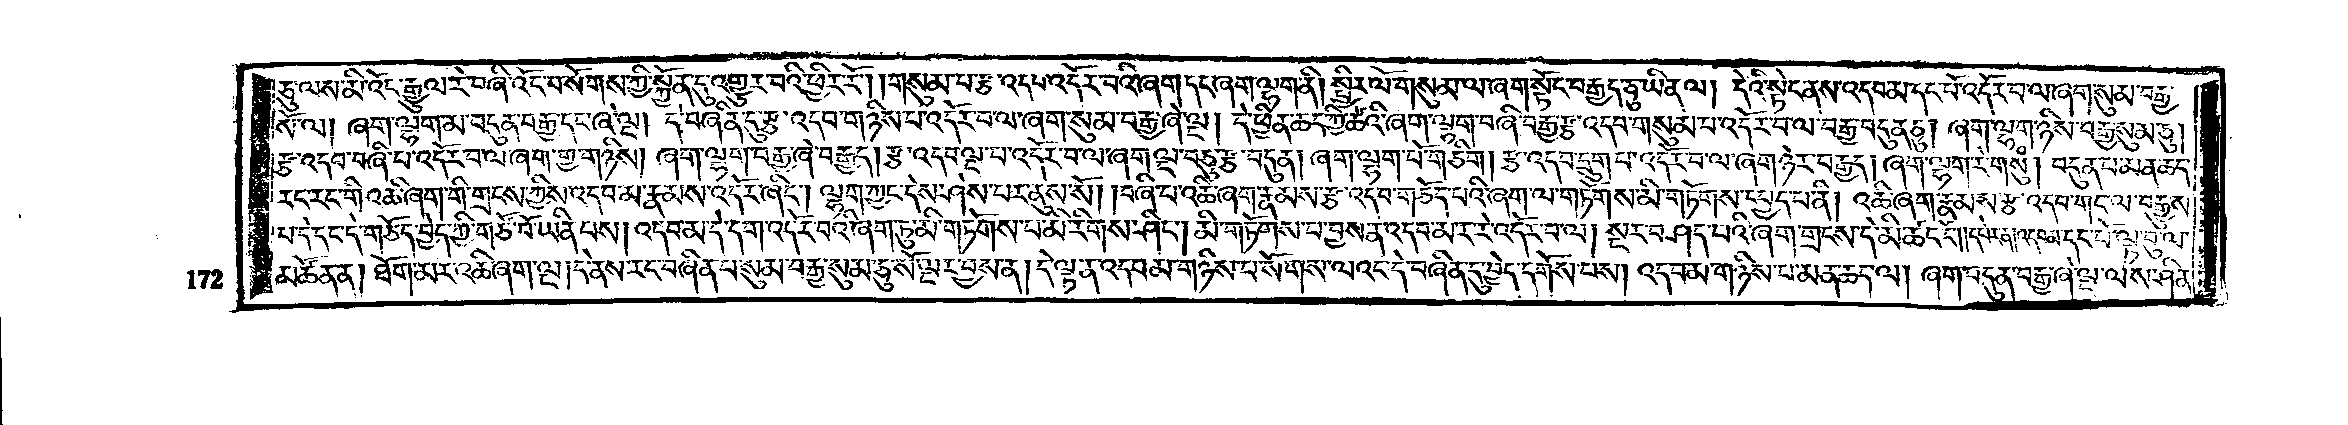ཅུ་ལས་མི་འོང་རྒྱུ་ལ་རེ་བཞི་འོང་བ་སོགས་ཀྱི་སྐྱོན་དུ་འགྱུར་བའི་ཕྱིར་རོ། །གསུམ་པ་རྩ་འདབ་འདོར་བའི་ཞག་དང་ཞག་ལྷག་ནི། སྤྱིར་ལོ་གསུམ་ལ་ཞག་སྟོང་བརྒྱད་ཅུ་ཡིན་ལ། དེའི་སྟེང་ནས་འདབ་མ་དང་པོ་འདོར་བ་ལ་ཞག་སུམ་བརྒྱ་
སོ་ལ། ཞག་ལྷག་མ་བདུན་བརྒྱ་དང་ཞེ་ལྔ། དེ་བཞིན་དུ་རྩ་འདབ་གཉིས་པ་འདོར་བ་ལ་ཞག་སུམ་བརྒྱ་ཞེ་ལྔ། དེ་ཕྱིན་ཆད་ཀྱི་ཚེའི་ཞག་ལྷག་བཞི་བརྒྱ་རྩ་འདབ་གསུམ་པ་འདོར་བ་ལ་བརྒྱ་བདུན་ཅུ། ཞག་ལྷག་ཉིས་བརྒྱ་སུམ་ཅུ།
རྩ་འདབ་བཞི་པ་འདོར་བ་ལ་ཞག་གྱ་གཉིས། ཞག་ལྷག་བརྒྱ་ཞེ་བརྒྱད། རྩ་འདབ་ལྔ་པ་འདོར་བ་ལ་ཞག་ལྔ་བཅུ་རྩ་བདུན། ཞག་ལྷག་པོ་གཅིག །རྩ་འདབ་དྲུག་པ་འདོར་བ་ལ་ཞག་ཉེར་བརྒྱད། ཞག་ལྷག་རེ་གསུམ། བདུན་པ་མན་ཆད་
རང་རང་གི་འཆི་ཞག་གི་གྲངས་ཀྱིས་འདབ་མ་རྣམས་འདོར་ཞིང་། ལྷག་ཀྱང་དེས་ཤེས་པར་ནུས་སོ། །བཞི་པ་འཆི་ཞག་རྣམས་རྩ་འདབ་གཅོད་པའི་ཞག་ལ་གཏོགས་མི་གཏོགས་དཔྱད་པ་ནི། འཆི་ཞག་རྣམས་རྩ་འདབ་གང་ལ་བརྒྱུས་
པ་དེ་དང་དེ་གཅོད་བྱེད་ཀྱི་གཙོ་བོ་ཡིན་པས། འདབ་མ་དེ་དག་འདོར་བའི་ཞག་ཏུ་མི་གཏོགས་པ་མི་རིགས་ཤིང་། མི་གཏོགས་པ་བྱས་ན་འདབ་མ་རེ་རེ་འདོར་བ་ལ། སྔར་བཤད་པའི་ཞག་གྲངས་དེ་མི་ཚང་ངོ། །དཔེར་ན། འདབ་མ་དང་པོ་ལྟ་བུ་ལ་
མཚོན་ན། ཐོག་མར་འཆི་ཞག་ལྔ། དེ་ནས་རང་བཞིན་པ་སུམ་བརྒྱ་སུམ་ཅུ་སོ་ལྔར་བྱས་ན། དེ་ལྟ་ན་འདབ་མ་གཉིས་པ་སོགས་ལའང་དེ་བཞིན་དུ་བྱེད་དགོས་པས། འདབ་མ་གཉིས་པ་མན་ཆད་ལ། ཞག་བདུན་བརྒྱ་ཞེ་ལྔ་ལས་ཤིན་